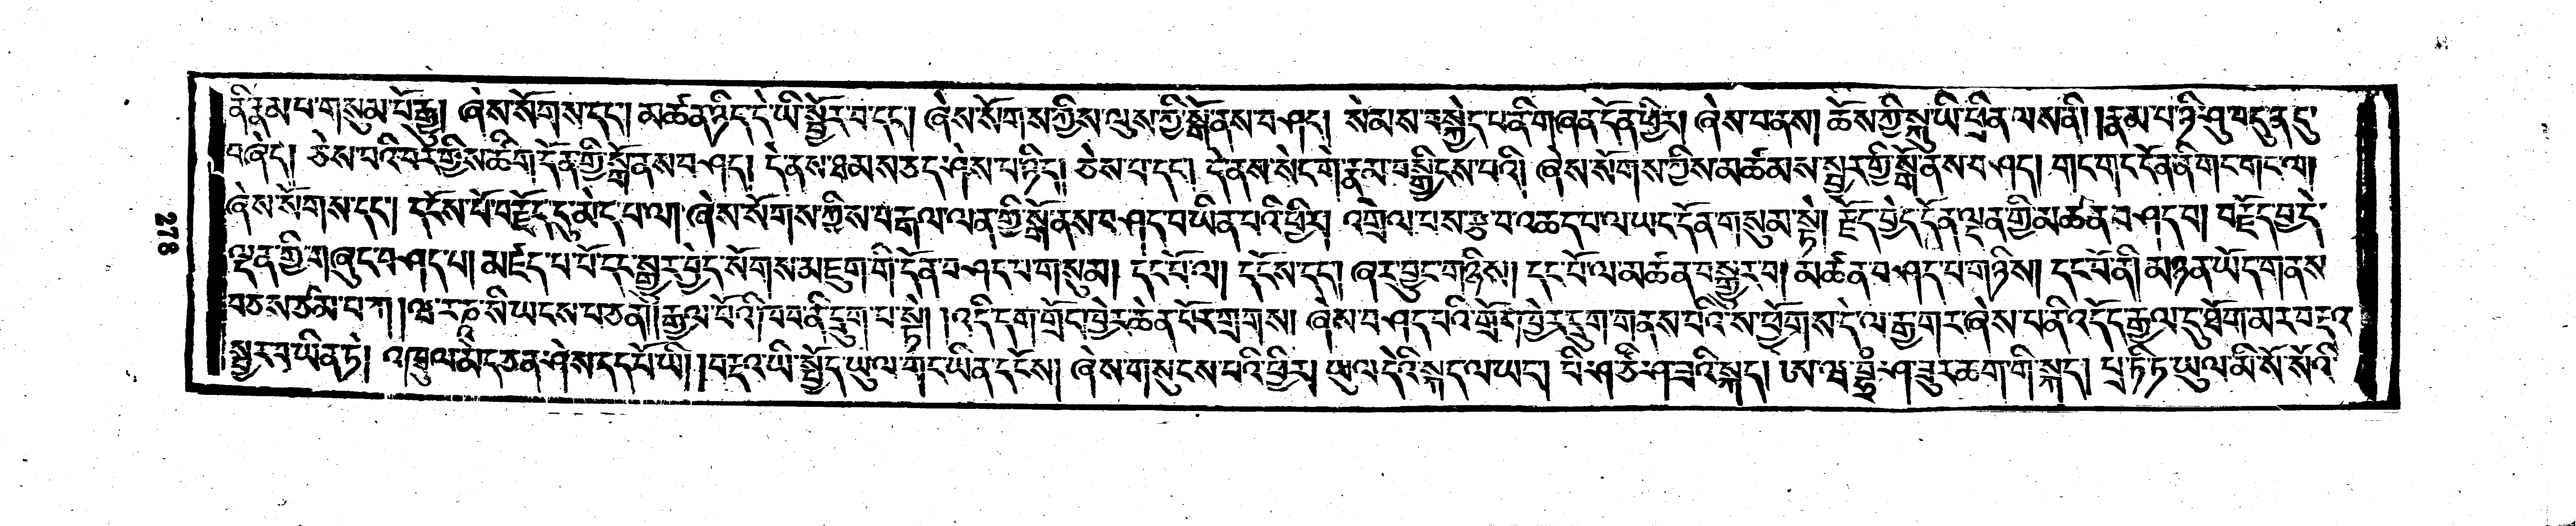ནི་རྣམ་པ་གསུམ་པོ་རྒྱུ། ཞེས་སོགས་དང་། མཚན་ཉིད་དེ་ཡི་སྦྱོར་བ་དང་། ཞེས་སོགས་ཀྱིས་ལུས་ཀྱི་སྒོ་ནས་བཤད། སེམས་བསྐྱེད་པ་ནི་གཞན་དོན་ཕྱིར། ཞེས་པ་ནས། ཆོས་ཀྱི་སྐུ་ཡི་ཕྲིན་ལས་ནི། །རྣམ་པ་ཉི་ཤུ་བདུན་དུ་
བཞེད། ཅེས་པའི་བར་གྱིས་ཚིག་དོན་གྱི་སྒོ་ནས་བཤད། དེ་ནས་ཐམས་ཅད་ཤེས་པ་ཉིད། ཅེས་པ་དང་། དེ་ནས་སེང་གེ་རྣམ་བསྒྱིངས་པའི། ཞེས་སོགས་ཀྱིས་མཚམས་སྦྱར་གྱི་སྒོ་ནས་བཤད། གང་གང་དོན་ནི་གང་གང་ལ།
ཞེས་སོགས་དང་། དངོས་པོ་བརྗོད་དུ་མེད་པ་ལ། ཞེས་སོགས་ཀྱིས་བརྒལ་ལན་གྱི་སྒོ་ནས་བཤད་པ་ཡིན་པའི་ཕྱིར། འགྲེལ་པས་རྩ་བ་འཆད་པ་ལ་ཡང་དོན་གསུམ་སྟེ། རྗོད་བྱེད་དོན་ལྡན་གྱི་མཚན་བཤད་པ། བརྗོད་བྱ་དེ་
ལྡན་གྱི་གཞུང་བཤད་པ། མཛད་པ་པོ་དང་སྒྱུར་བྱེད་སོགས་མཇུག་གི་དོན་བཤད་པ་གསུམ། དང་པོ་ལ། དངོས་དང་། ཞར་བྱུང་གཉིས། དང་པོ་ལ་མཚན་བསྒྱུར་བ། མཚན་བཤད་པ་གཉིས། དང་པོ་ནི། མཉན་ཡོད་གནས་
བཅས་ཅམ་པ་ཀ། ཝ་ར་ཎཱ་སི་ཡངས་པ་ཅན། །རྒྱལ་པོའི་ཁབ་ནི་དྲུག་པ་སྟེ། །འདི་དག་གྲོང་ཁྱེར་ཆེན་པོར་གྲགས། ཞེས་བཤད་པའི་གྲོང་ཁྱེར་དྲུག་གནས་པའི་ས་ཕྱོགས་དེ་ལ་རྒྱ་གར་ཞེས་པ་ནི་འདོད་རྒྱལ་དུ་ཐོག་མར་བརྡའ་
སྦྱར་བ་ཡིན་ཏེ། འཁྲུལ་མེད་ཅན་ཤེས་དང་པོ་ཡི། །བརྡའ་ཡི་སྤྱོད་ཡུལ་གང་ཡིན་དངོས། ཞེས་གསུངས་པའི་ཕྱིར། ཡུལ་དེའི་སྐད་ལ་ཡང་། པི་ཤ་ཙི་ཤ་ཟའི་སྐད། ཨ་ཝ་བྷྲཱཾ་ཤ་ཟུར་ཆག་གི་སྐད། པྲ་ཏི་ཏ་ཡུལ་མི་སོ་སོའི་